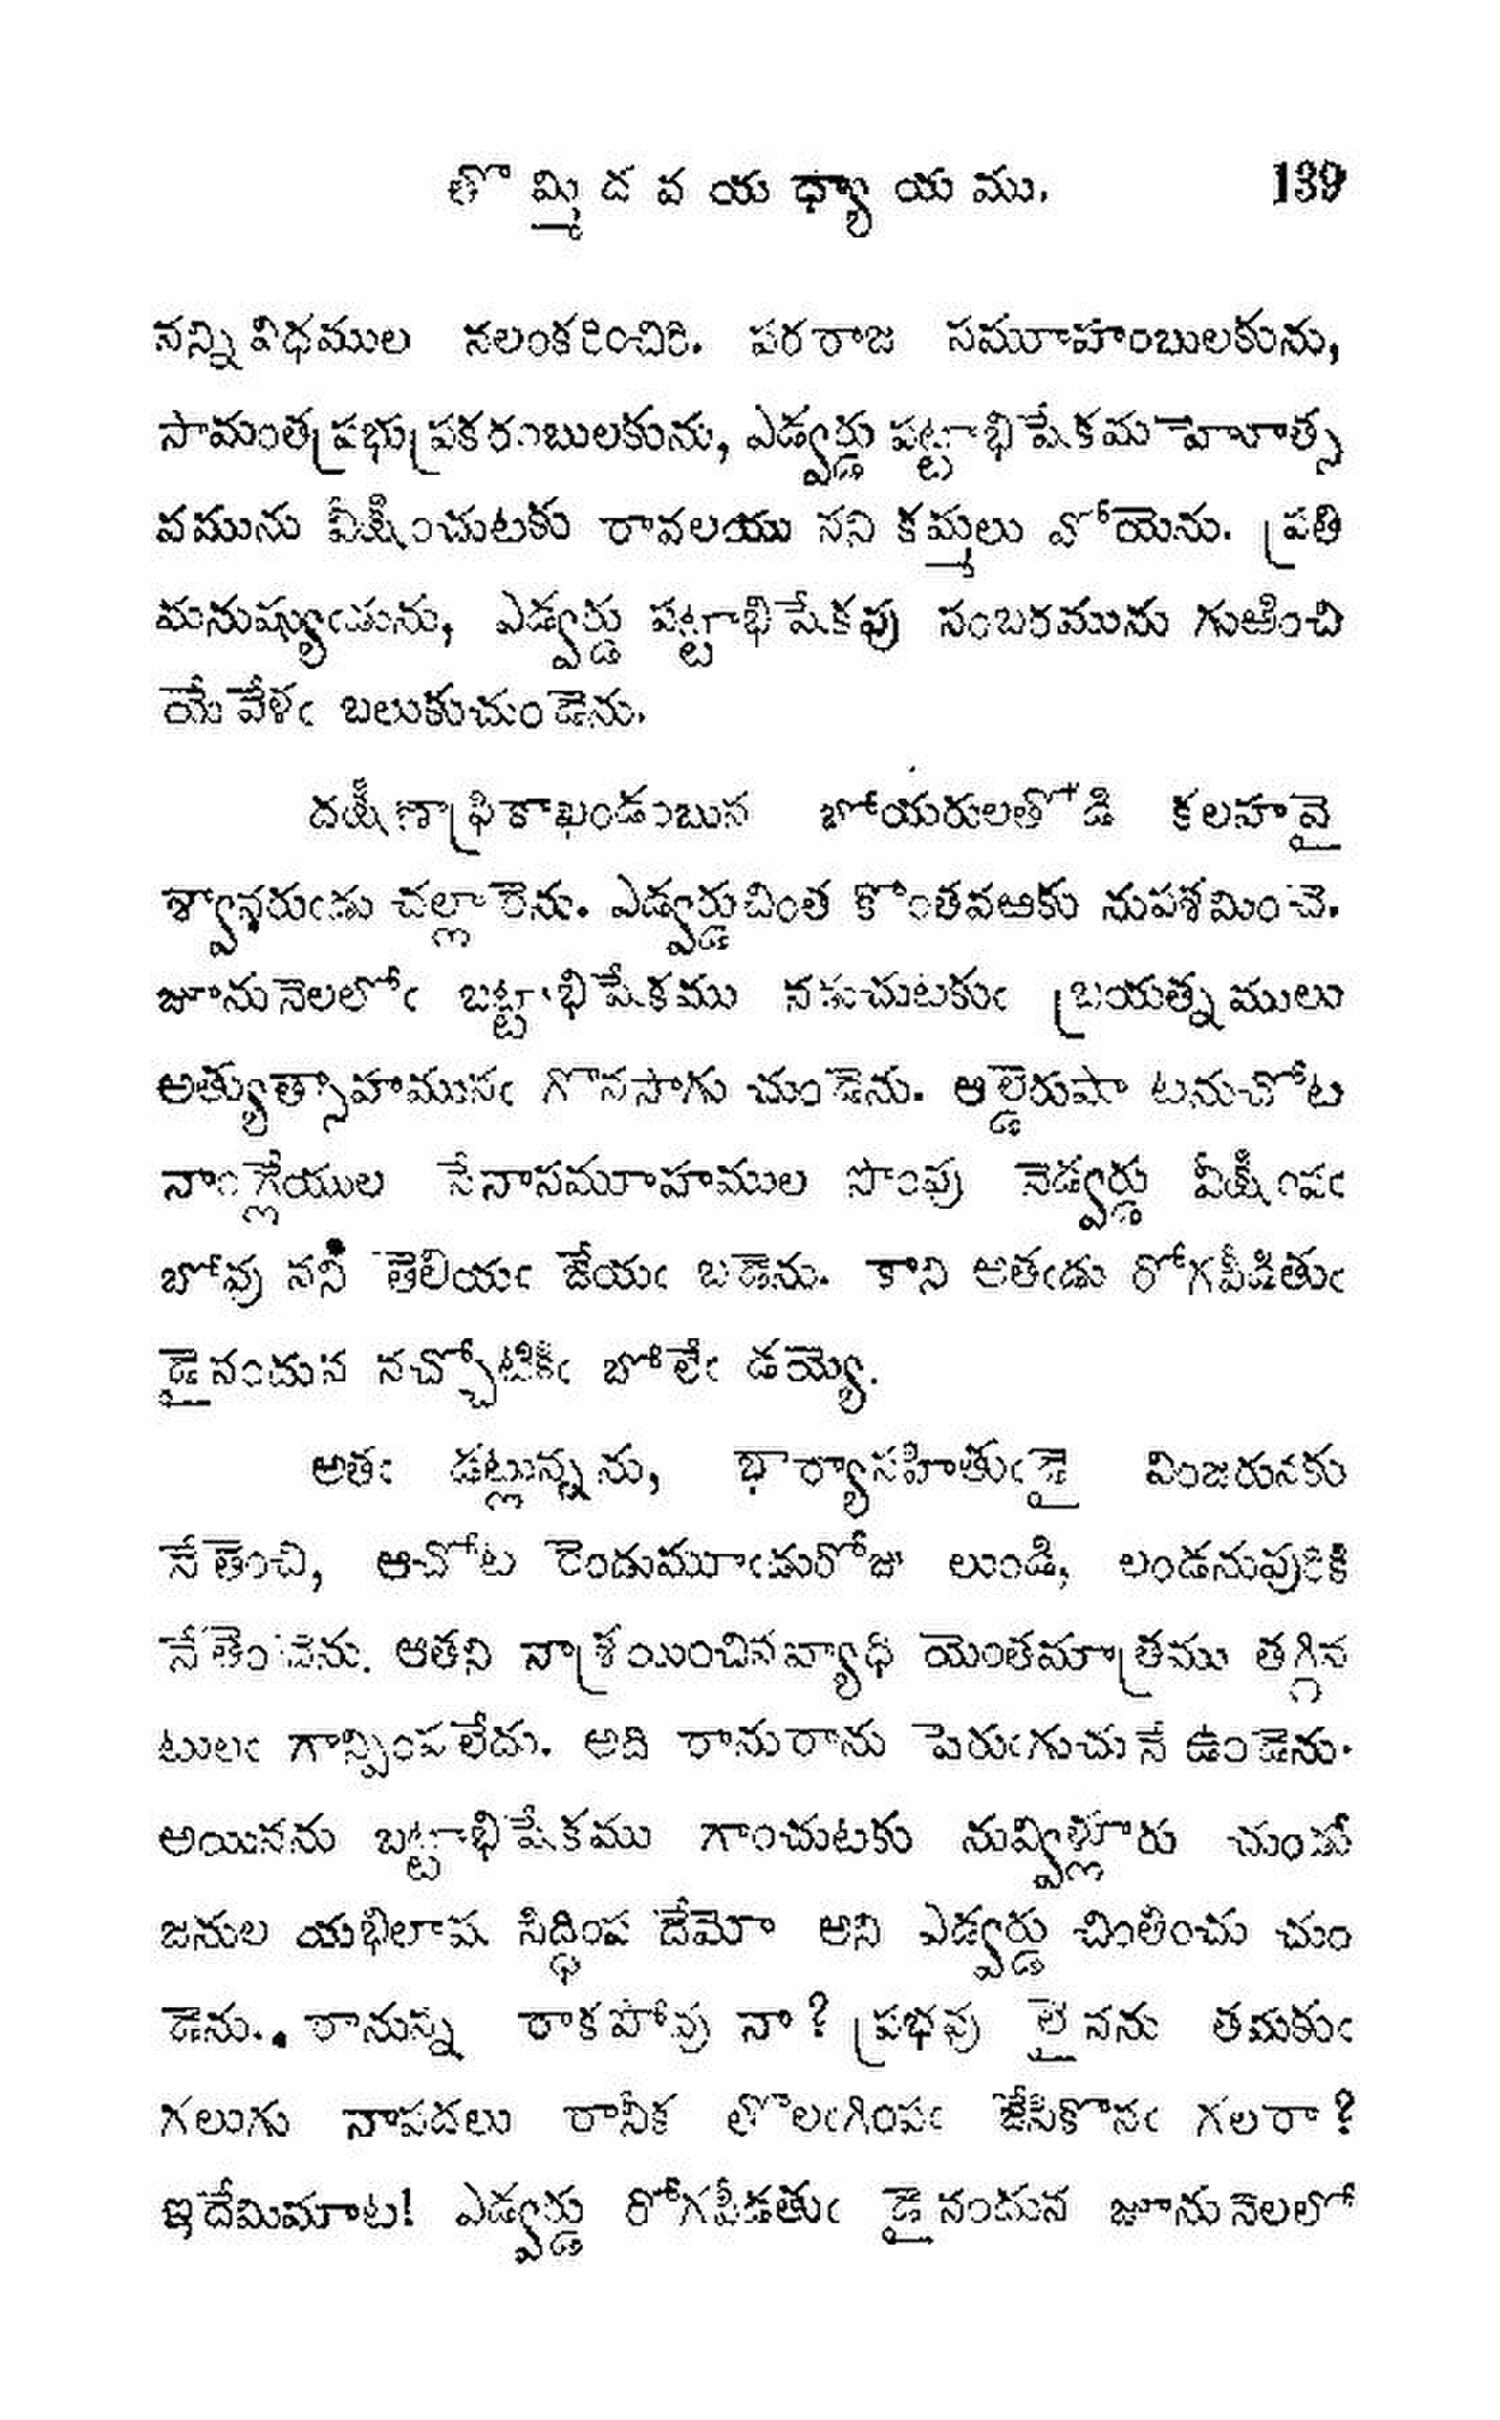నన్ని విధముల నలంక రించికి. పరరాజ సమూహంబులకును, సామంత ప్రభు ప్రకరంబులకును, ఎడ్వర్డు పట్టాభి షేకమహోత్స వమును వీక్షించుటకు రావలయు నని కమ్మలు వోయెను. ప్రతి మనుష్యుడును, ఎడ్వర్డు పట్టాభి సేకవు సంబరమును గుఱించి యే వేళఁ బలుకుచుండెను.

దక్షిణాఫ్రికా ఖండంబున బోయరులతోడి, కలహవై శ్వానరుఁడు చల్లారెను. ఎడ్వర్డు చింత కొంతవఱకు నుపశమించె. జూను నెలలో బట్టాభి షేకము నడుచుటకుఁ బ్రయత్నములు అత్యుత్సాహమునఁ గొన సాగు చుండెను. ఆల్టెరుషా టను చోట నాంగ్లేయుల సేనాసమూహముల సొంపు నెడ్వెర్డు వీక్షింప బోవు నని తెలియఁ జేయఁ బడెను. కాని అతఁడు రోగపీడితుఁ డైనందున నచ్చోటి కిఁ బోలేఁ డయ్యె.

అతడట్లున్నను, భార్యాసహితుడై వింజరునకు నేతెంచి, ఆచోట రెండుమూఁడురోజు లుండి. లండను పురికి నే తెంచెను. ఆతని నాశ్రయించిన వ్యాధి యెంతమాత్రము తగ్గిన టులు గాన్పింప లేదు. అది రానురాను పెరుఁగుచునే ఉండెను. అయినను బట్టాభిషేకము గాంచుటకు నువ్విళ్లూరు చుండు జనుల యభిలాష, సిద్ధింప దేమో అని ఎడ్వర్డు చింతించు చుం డెను.. రానున్న రాక పోవు నా ? ప్రభవు లైనను తమకుఁ గలుగు నాపదలు రానీక తొలగింప జేసికొనక గలరా? ఇదేమిమాట! ఎడ్వర్డును రోగపీకతుఁ డైనందున జూను నెలలో